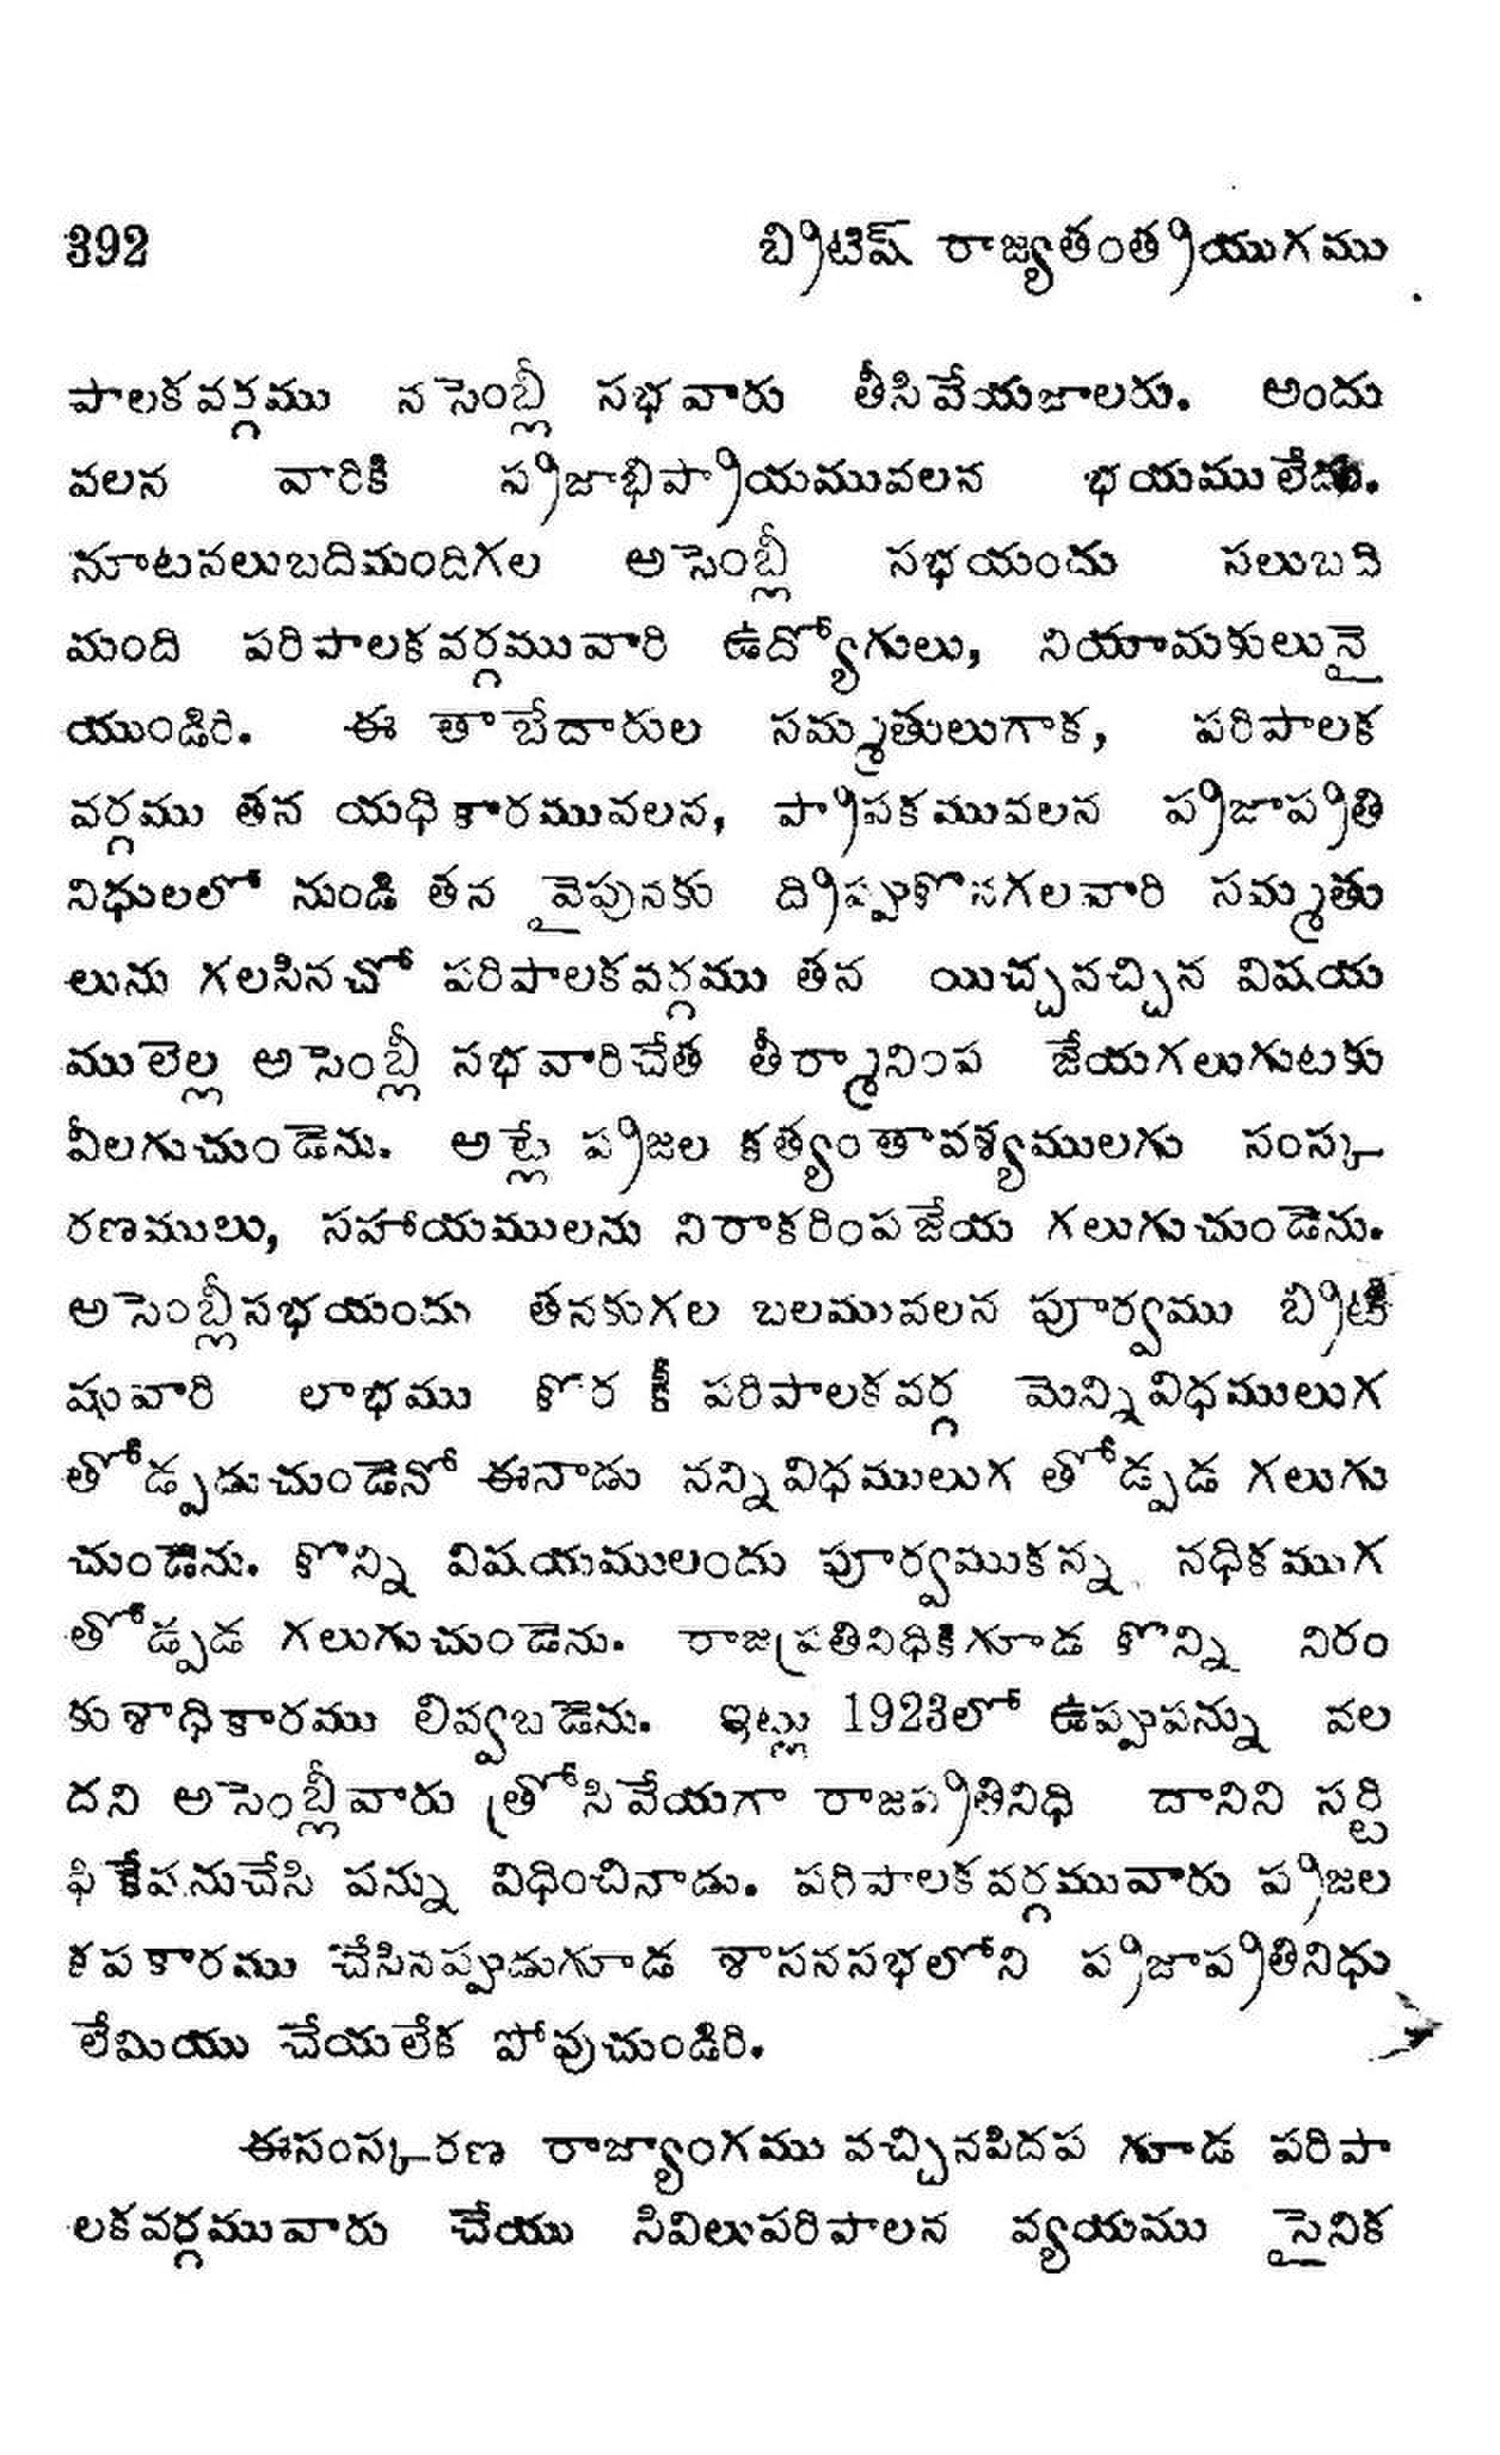పాలకవర్గము నసెంబ్లీ సభవారు తీసివేయజాలరు. అందువలన వారికి ప్రజాభిప్రాయమువలన భయములేదు. నూటనలుబదిమందిగల అసెంబ్లీ సభయందు నలుబదిమంది పరిపాలకవర్గమువారి ఉద్యోగులు, నియామకులునై యుండిరి. ఈ తాబేదారుల సమ్మతులుగాక, పరిపాలకవర్గము తన యధికారమువలన, ప్రాపకమువలన ప్రజాప్రతినిధులలో నుండి తన వైపునకు ద్రిప్పుకొనగలవారి సమ్మతులును గలసినచో పరిపాలకవర్గము తన యిచ్చవచ్చిన విషయములెల్ల అసెంబ్లీ సభవారిచేత తీర్మానింప జేయగలుగుటకు వీలగుచుండెను. అట్లే ప్రజల కత్యంతావశ్యములగు సంస్కరణములు, సహాయములను నిరాకరింపజేయ గలుగుచుండెను. అసెంబ్లీసభయందు తనకుగల బలమువలన పూర్వము బ్రిటీషువారి లాభము కొర కీ పరిపాలకవర్గ మెన్నివిధములుగ తోడ్పడుచుండెనో ఈనాడు నన్నివిధములుగ తోడ్పడ గలుగుచుండెను. కొన్ని విషయములందు పూర్వముకన్న నధికముగ తోడ్పడ గలుగుచుండెను. రాజప్రతినిధికి గూడ కొన్ని నిరంకుశాధికారము లివ్వబడెను. ఇట్లు 1923లో ఉప్పుపన్ను వలదని అసెంబ్లీవారు త్రోసివేయగా రాజప్రతినిధి దానిని సర్టిఫికేషనుచేసి పన్ను విధించినాడు. పరిపాలకవర్గమువారు ప్రజల కపకారము చేసినప్పుడుగూడ శాసనసభలోని ప్రజాప్రతినిధు లేమియు చేయలేక పోవుచుండిరి.

ఈసంస్కరణ రాజ్యాంగము వచ్చినపిదప గూడ పరిపాలకవర్గమువారు చేయు సివిలుపరిపాలన వ్యయము సైనిక